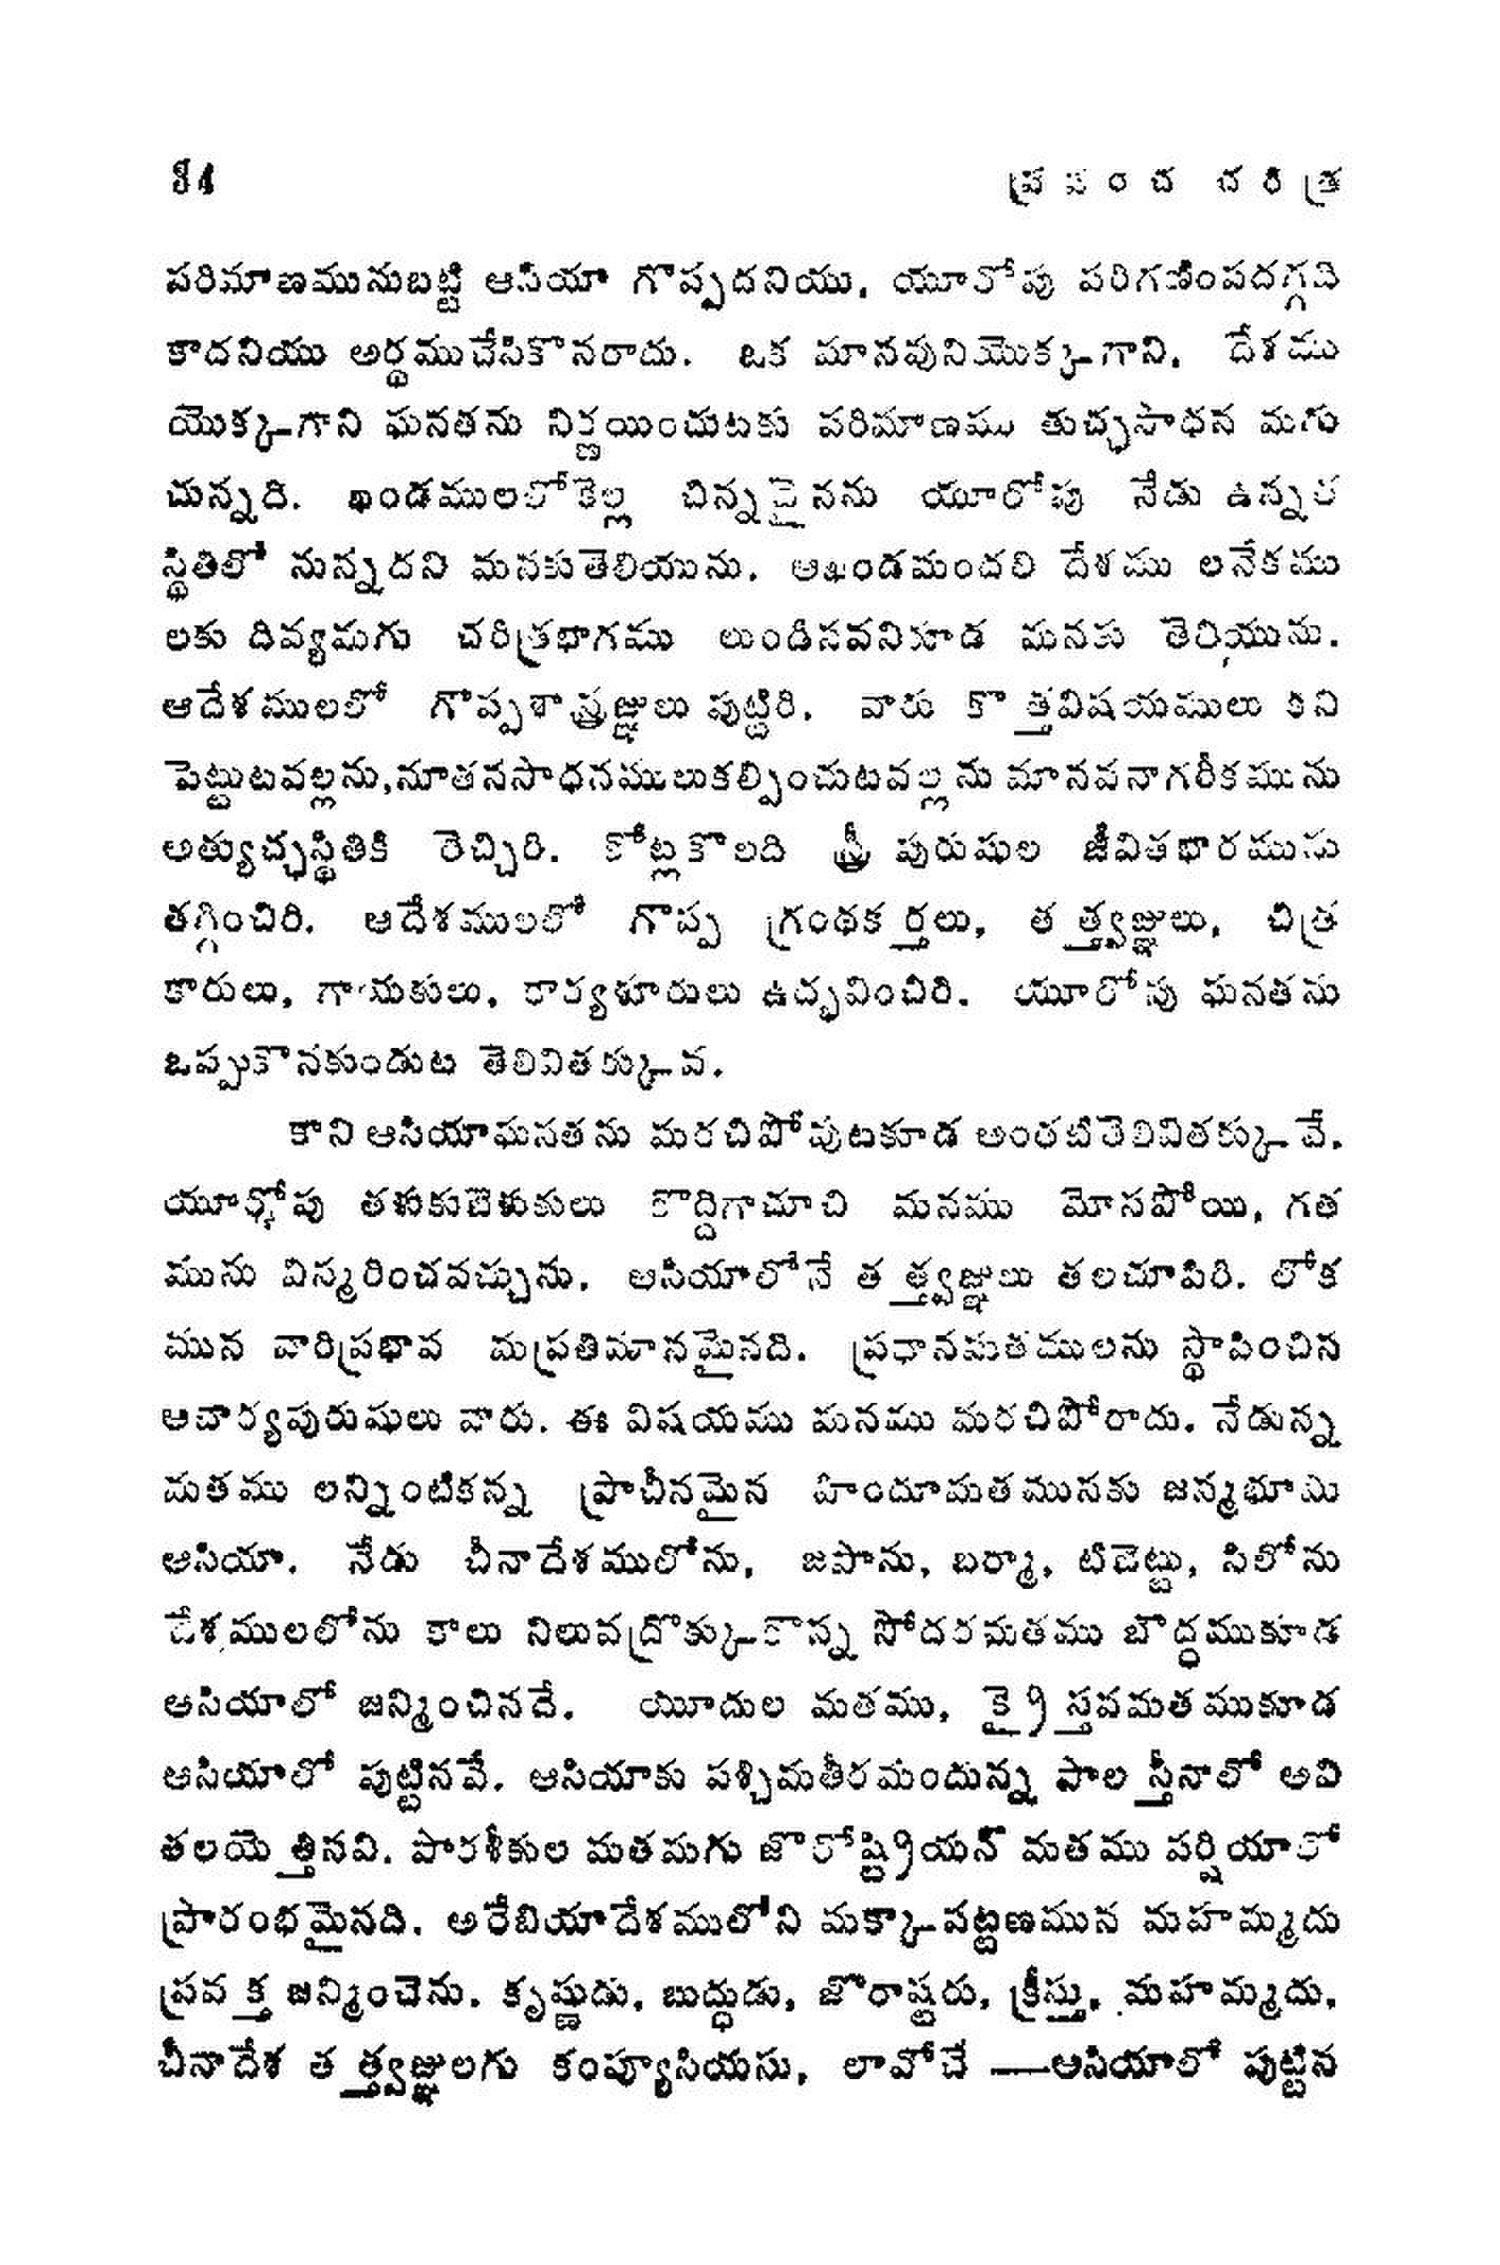పరిమాణమునుబట్టి ఆసియా గొప్పదనియు, యూరోపు పరిగణింపదగ్గది కాదనియు అర్ధము చేసికొనరాదు. ఒక మానవుని యొక్కగాని, దేశముయొక్క గాని ఘనతను నిర్ణయించుటకు పరిమాణము తుచ్ఛసాధన మగు చున్నది. ఖండములలో కెల్ల చిన్నదైనను యూరోపు నేడు ఉన్నత స్థితిలో నున్నదని మనకు తెలియును. ఆఖండమందలి దేశము లనేకములకు దివ్యమగు చరిత్రభాగము లుండినవనికూడ మనకు తెలియును . ఆదేశములలో గొప్పశాస్త్రజ్ఞులు పుట్టిరి. వారు కొత్త విషయములు కనిపెట్టుటవల్లను, నూతనసాధనములుకల్పించుటవల్లను మానవ నాగరీకమును అత్యుచ్ఛస్థితికి తెచ్చిరి. కోట్లకొలది స్త్రీ పురుషుల జీవితభారమును తగ్గించిరి. ఆదేశములలో గొప్ప గ్రంథకర్తలు, తత్త్వజ్ఞులు, చిత్ర కారులు, గాయకులు, కార్యశూరులు ఉద్భవించిరి. యూరోపు ఘనతను ఒప్పుకొనకుండుట తెలివితక్కువ..

కాని ఆసియాఘనతను మరచిపోవుటకూడ అంతటితెలివితక్కువే. యూరోపు తళుకుబెళుకులు కొద్దిగాచూచి మనము మోసపోయి, గతమును విస్మరించవచ్చును. ఆసియాలోనే తత్త్వజ్ఞులు తలచూపిరి. లోకమున వారిప్రభావ మప్రతిమానమైనది. ప్రధానమతములను స్థాపించిన ఆచార్యపురుషులు వారు. ఈ విషయము మనము మరచిపోరాదు. నేడున్న మతము లన్నింటికన్న ప్రాచీనమైన హిందూమతమునకు జన్మభూమి ఆసియా, నేడు చీనా దేశములోను, జపాను, బర్మా, టిబెట్టు, సిలోను చేశములలోను కాలు నిలువద్రొక్కుకొన్న సోదరమతము బౌద్దముకూడ ఆసియాలో జన్మించినదే. యూదుల మతము, క్రైస్తవమతముకూడ ఆసియాలో పుట్టినవే. ఆసియాకు పశ్చిమతీరమందున్న పాలస్తీనాలో అవి తలయెత్తినవి. పారశీకుల మతమగు జొరోష్ట్రియన్ మతము పర్షియాలో ప్రారంభమైనది. అరేబియా దేశములోని మక్కా పట్టణమున మహమ్మదు ప్రవ క్త జన్మించెను. కృష్ణుడు, బుద్ధుడు, జొరాష్ట్రరు, క్రీస్తు, మహమ్మదు, చీనా దేశ తత్త్వజ్ఞులగు కంప్యూసియసు, లావోచే - ఆసియాలో పుట్టిన